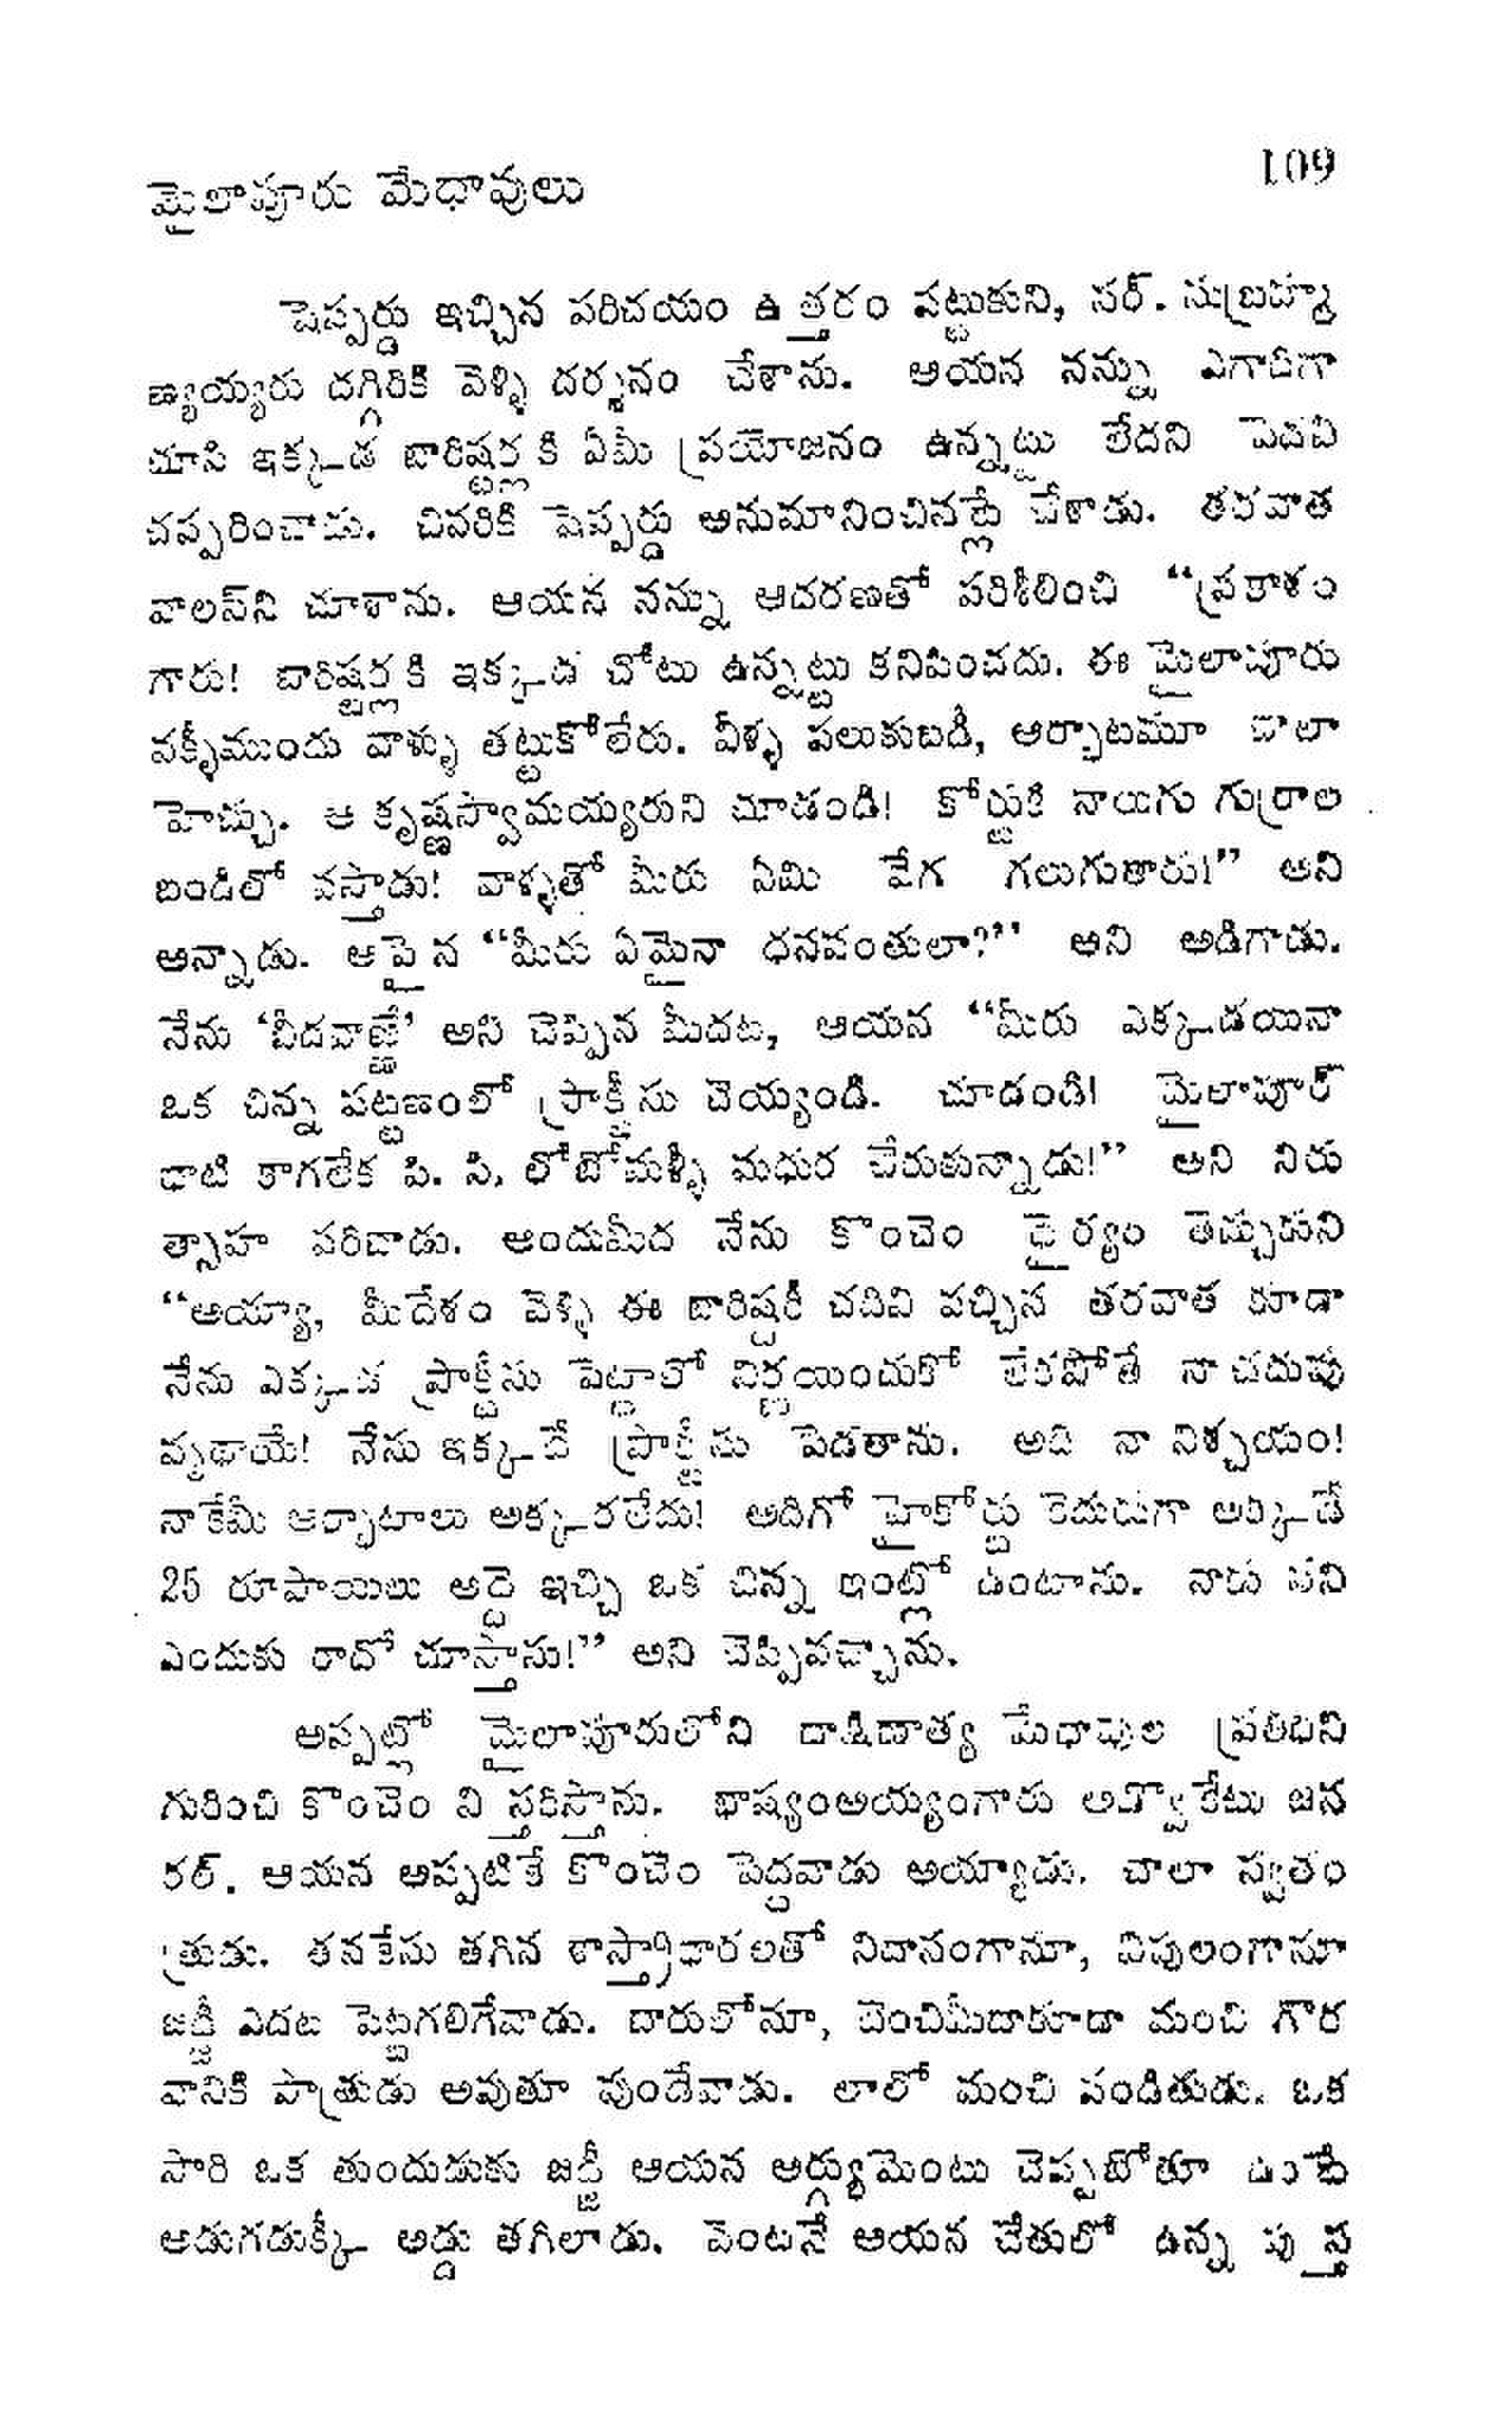షెప్పర్డు ఇచ్చిన పరిచయం ఉత్తరం పట్టుకుని, సర్. సుబ్రహ్మణ్యయ్యరు దగ్గిరికి వెళ్ళి దర్శనం చేశాను. ఆయన నన్ను ఎగాదిగా చూసి ఇక్కడ బారిష్టర్లకి ఏమీ ప్రయోజనం ఉన్నట్టు లేదని పెదవి చప్పరించాడు. చివరికి షెప్పర్డు అనుమానించినట్లే చేశాడు. తరవాత వాలస్‌ని చూశాను. ఆయన నన్ను ఆదరణతో పరిశీలించి "ప్రకాశం గారు! బారిష్టర్లకి ఇక్కడ చోటు ఉన్నట్టు కనిపించదు. ఈ మైలాపూరు వకీళ్ళముందు వాళ్ళు తట్టుకోలేరు. వీళ్ళ పలుకుబడీ, ఆర్భాటమూ చాలా హెచ్చు. ఆ కృష్ణస్వామయ్యరుని చూడండి! కోర్టుకి నాలు గుర్రాల బండిలో వస్తాడు! వాళ్ళతో మీరు ఏమి వేగ గలుగుతారు!" అని అన్నాడు. ఆపైన "మీరు ఏమైనా ధనవంతులా?" అని అడిగాడు. నేను 'బీదవాణ్ణే' అని చెప్పిన మీదట, ఆయన "మీరు ఎక్కడయినా ఒక చిన్న పట్టణంలో ప్రాక్టీసు చెయ్యండి. చూడండి! మైలాపూర్ దాటి కాగలేక పి. సి. లోబో మళ్ళీ మధుర చేరుకున్నాడు!" అని నిరుత్సాహ పరిచాడు. అందుమీద నేను కొంచెం ధైర్యం తెచ్చుకుని "అయ్యా, మీదేశం వెళ్ళి ఈ బారిష్టరీ చదివి వచ్చిన తరవాత కూడా నేను ఎక్కడ ప్రాక్టీసు పెట్టాలో నిర్ణయించుకో లేకపోతే నా చదువు వృథాయే! నేను ఇక్కడే ప్రాక్టీసు పెడతాను. అది నా నిశ్చయం! నాకేమి ఆర్భాటాలు అక్కరలేదు! అదిగో హైకోర్టు కెదురుగా అక్కడే 25 రూపాయలు అద్దె ఇచ్చి ఒక చిన్న ఇంట్లో ఉంటాను. నాకు పని ఎందుకు రాదో చూస్తాను!" అని చెప్పివచ్చాను.

అప్పట్లో మైలాపూరులోని దాక్షిణాత్య మేధావుల ప్రతిభని గురించి కొంచెం విస్తరిస్తాను. భాష్యంఅయ్యంగారు అడ్వొకేటు జనరల్. ఆయన అప్పటికే కొంచెం పెద్దవాడు అయ్యాడు. చాలా స్వతంత్రుడు. తనకేసు తగిన శాస్త్రాధారలతో నిదానంగానూ, విపులంగానూ జడ్జీ ఎదట పెట్టగలిగేవాడు. బారులోనూ, బెంచిమీదకూడా మంచి గౌరవానికి పాత్రుడు అవుతూ వుండేవాడు. లాలో మంచి పండితుడు. ఒక సారి ఒక తుందుడుకు జడ్జీ ఆయన ఆర్గ్యుమెంటు చెప్పబోతూ ఉంటే అడుగడుక్కీ అడ్డు తగిలాడు. వెంటనే ఆయన చేతులో ఉన్న పుస్త